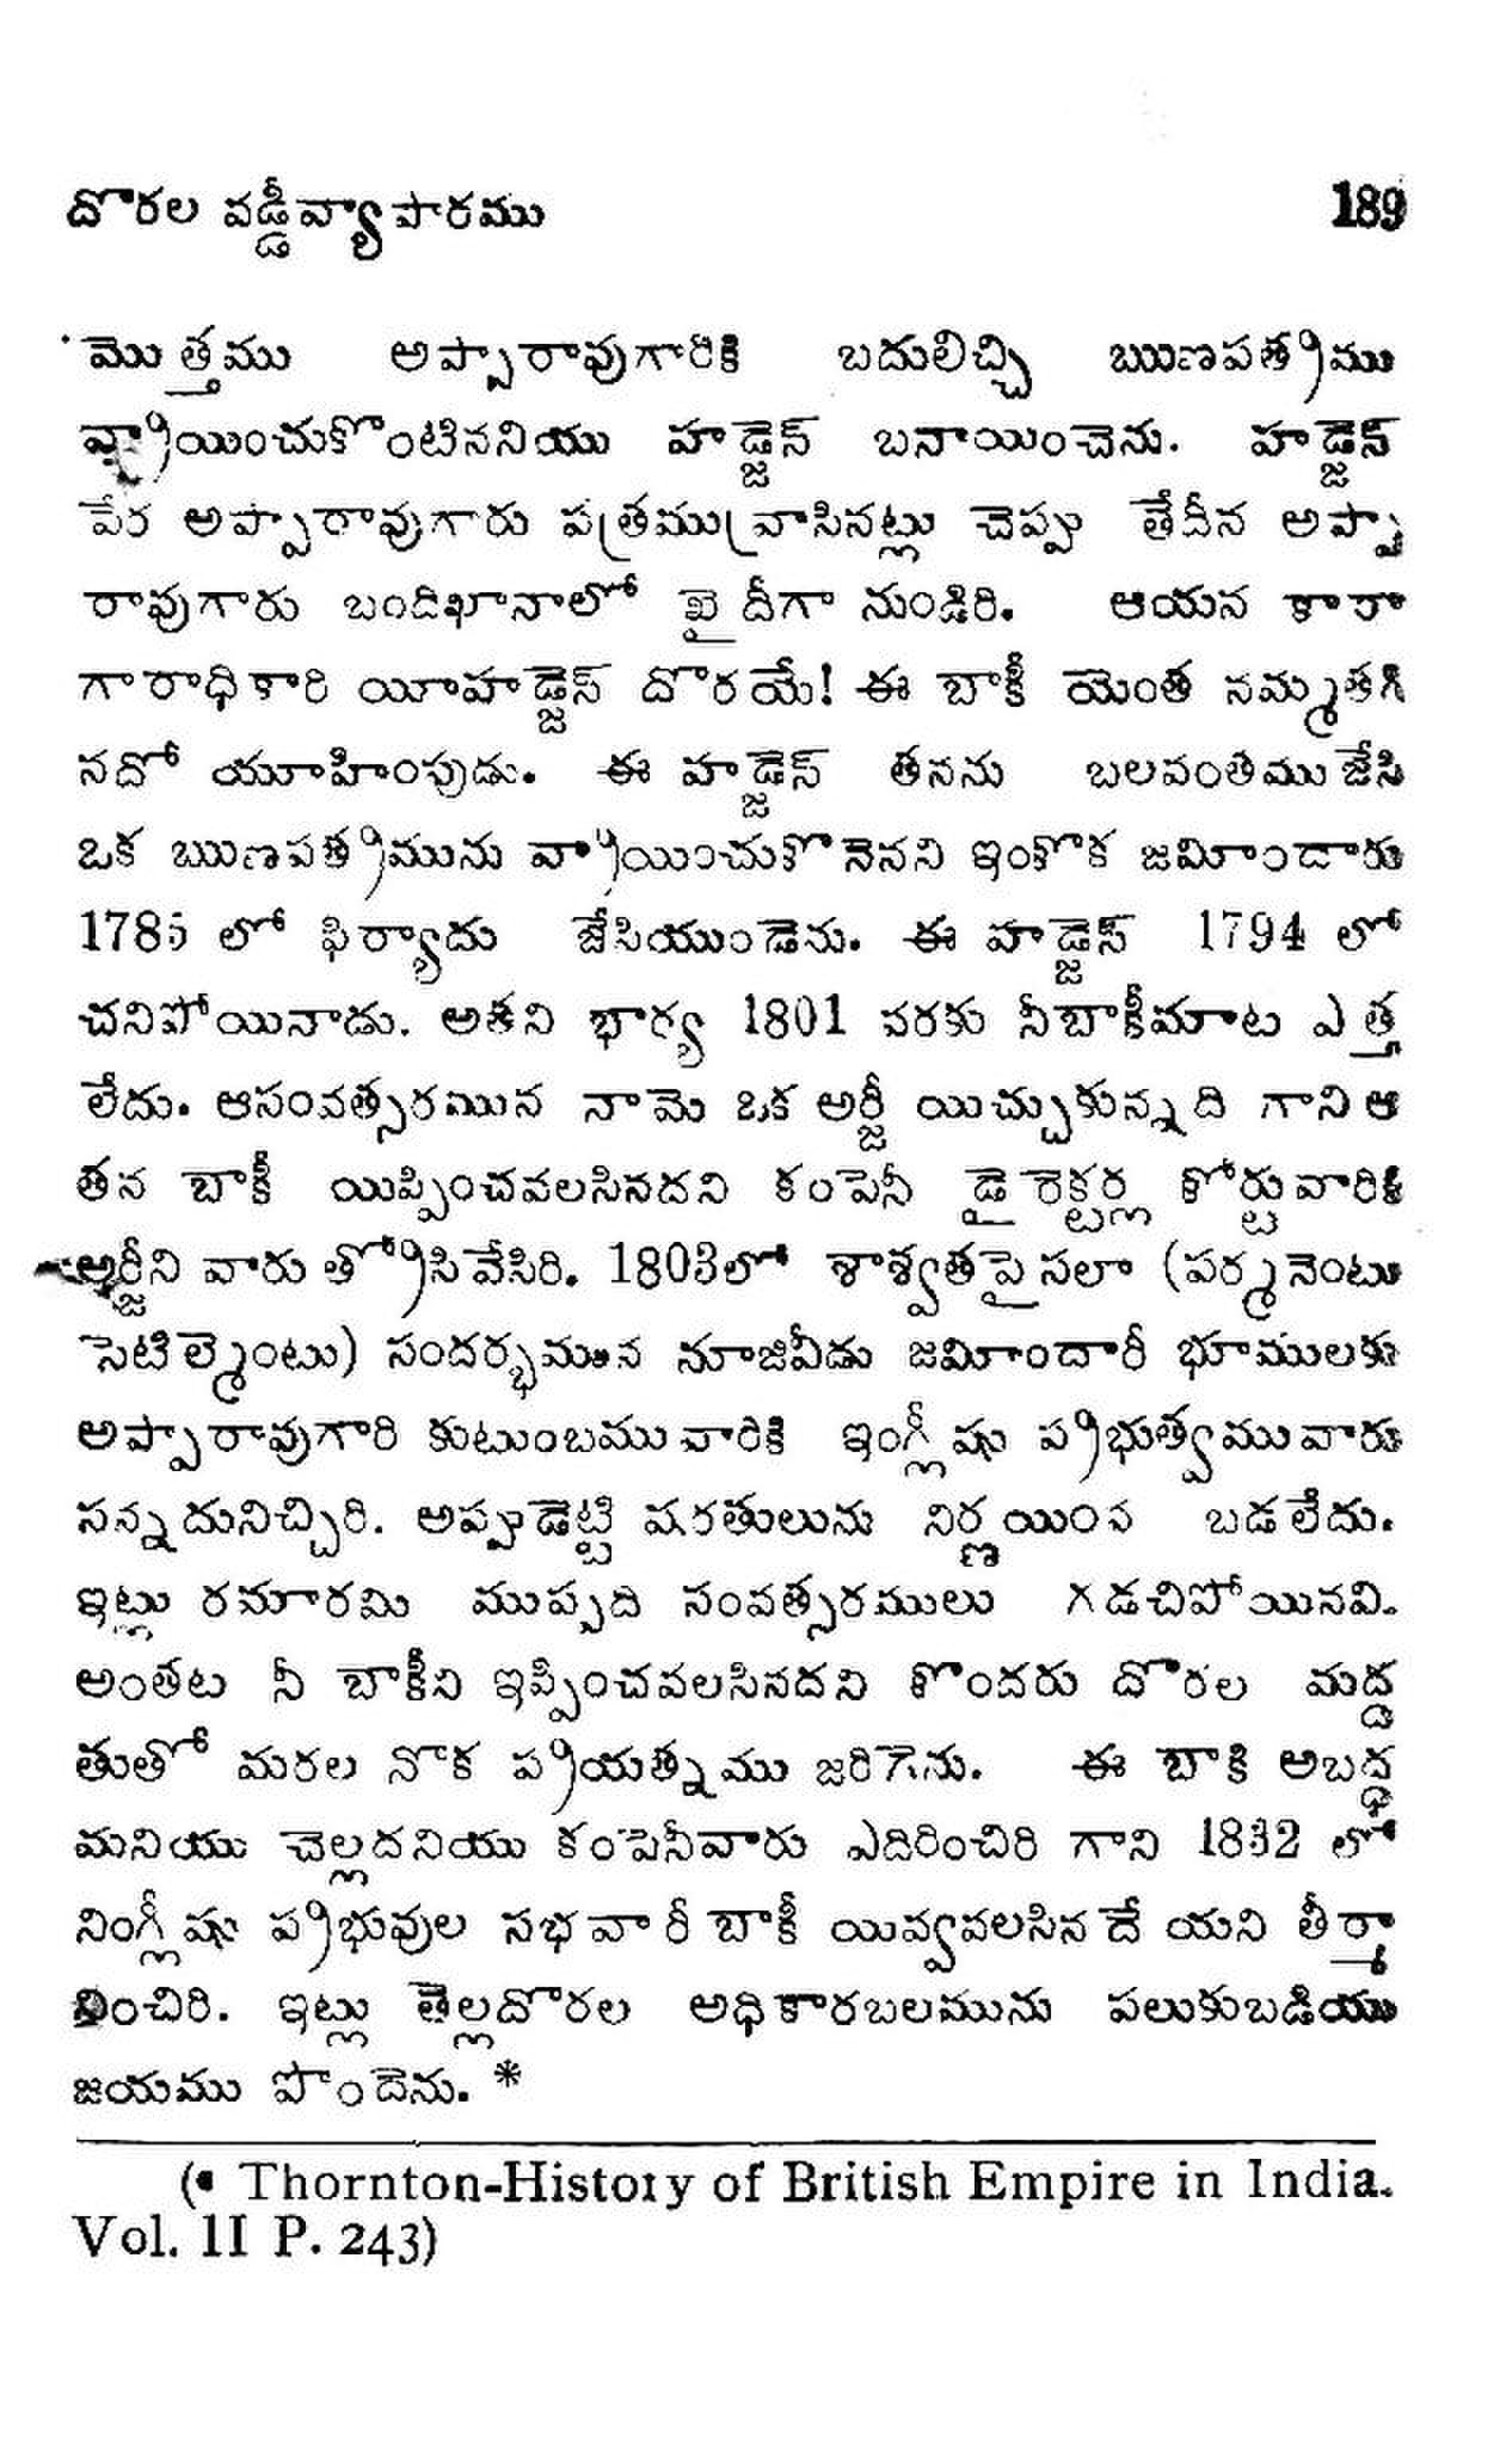మొత్తము అప్పారావుగారికి బదులిచ్చి ఋణపత్రము వ్రాయించుకొంటిననియు హడ్జెన్ బనాయించెను. హడ్జెన్ పేర అప్పారావుగారు పత్రమువ్రాసినట్లు చెప్పు తేదీన అప్పారావుగారు బందిఖానాలో బైదీగా నుండిరి. ఆయన కారాగారాధికారి యీహడ్జెన్ దొరయే! ఈ బాకీ యెంత నమ్మతగినదో యూహింపుడు. ఈ హడ్జెన్ తనను బలవంతముజేసి ఒక ఋణపత్రమును వ్రాయించుకొనెనని ఇంకొక జమీందారు 1785 లో ఫిర్యాదు జేసియుండెను. ఈ హడ్జెన్ 1794 లో చనిపోయినాడు. అతని భార్య 1801 వరకు నీబాకీమాట ఎత్తలేదు. ఆసంవత్సరమున నామె ఒక అర్జీ యిచ్చుకున్నది గాని ఆ తన బాకీ యిప్పించవలసినదని కంపెనీ డైరెక్టర్ల కోర్టువారికి -ఆర్జీని వారు త్రోసివేసిరి. 1803లో శాశ్వతపైసలా (పర్మనెంటుసెటిల్మెంటు) సందర్భమున నూజివీడు జమీందారీ భూములకు అప్పారావుగారి కుటుంబమువారికి ఇంగ్లీషు ప్రభుత్వమువారు సన్నదునిచ్చిరి. అప్పుడెట్టి షరతులును నిర్ణయింవ బడలేదు. ఇట్లు రమారమి ముప్పది సంవత్సరములు గడచిపోయినవి. అంతట నీ బాకీని ఇప్పించవలసినదని కొందరు దొరల మద్దతుతో మరల నొక ప్రయత్నము జరిగెను. ఈ బాకి అబద్దమనియు చెల్లదనియు కంపెనీవారు ఎదిరించిరి గాని 1832 లో నింగ్లీషు ప్రభువుల సభవారీబాకీ యివ్వవలసినదే యని తీర్మానించిరి. ఇట్లు తెల్లదొరల అధికారబలమును పలుకుబడియు జయము పొందెను.